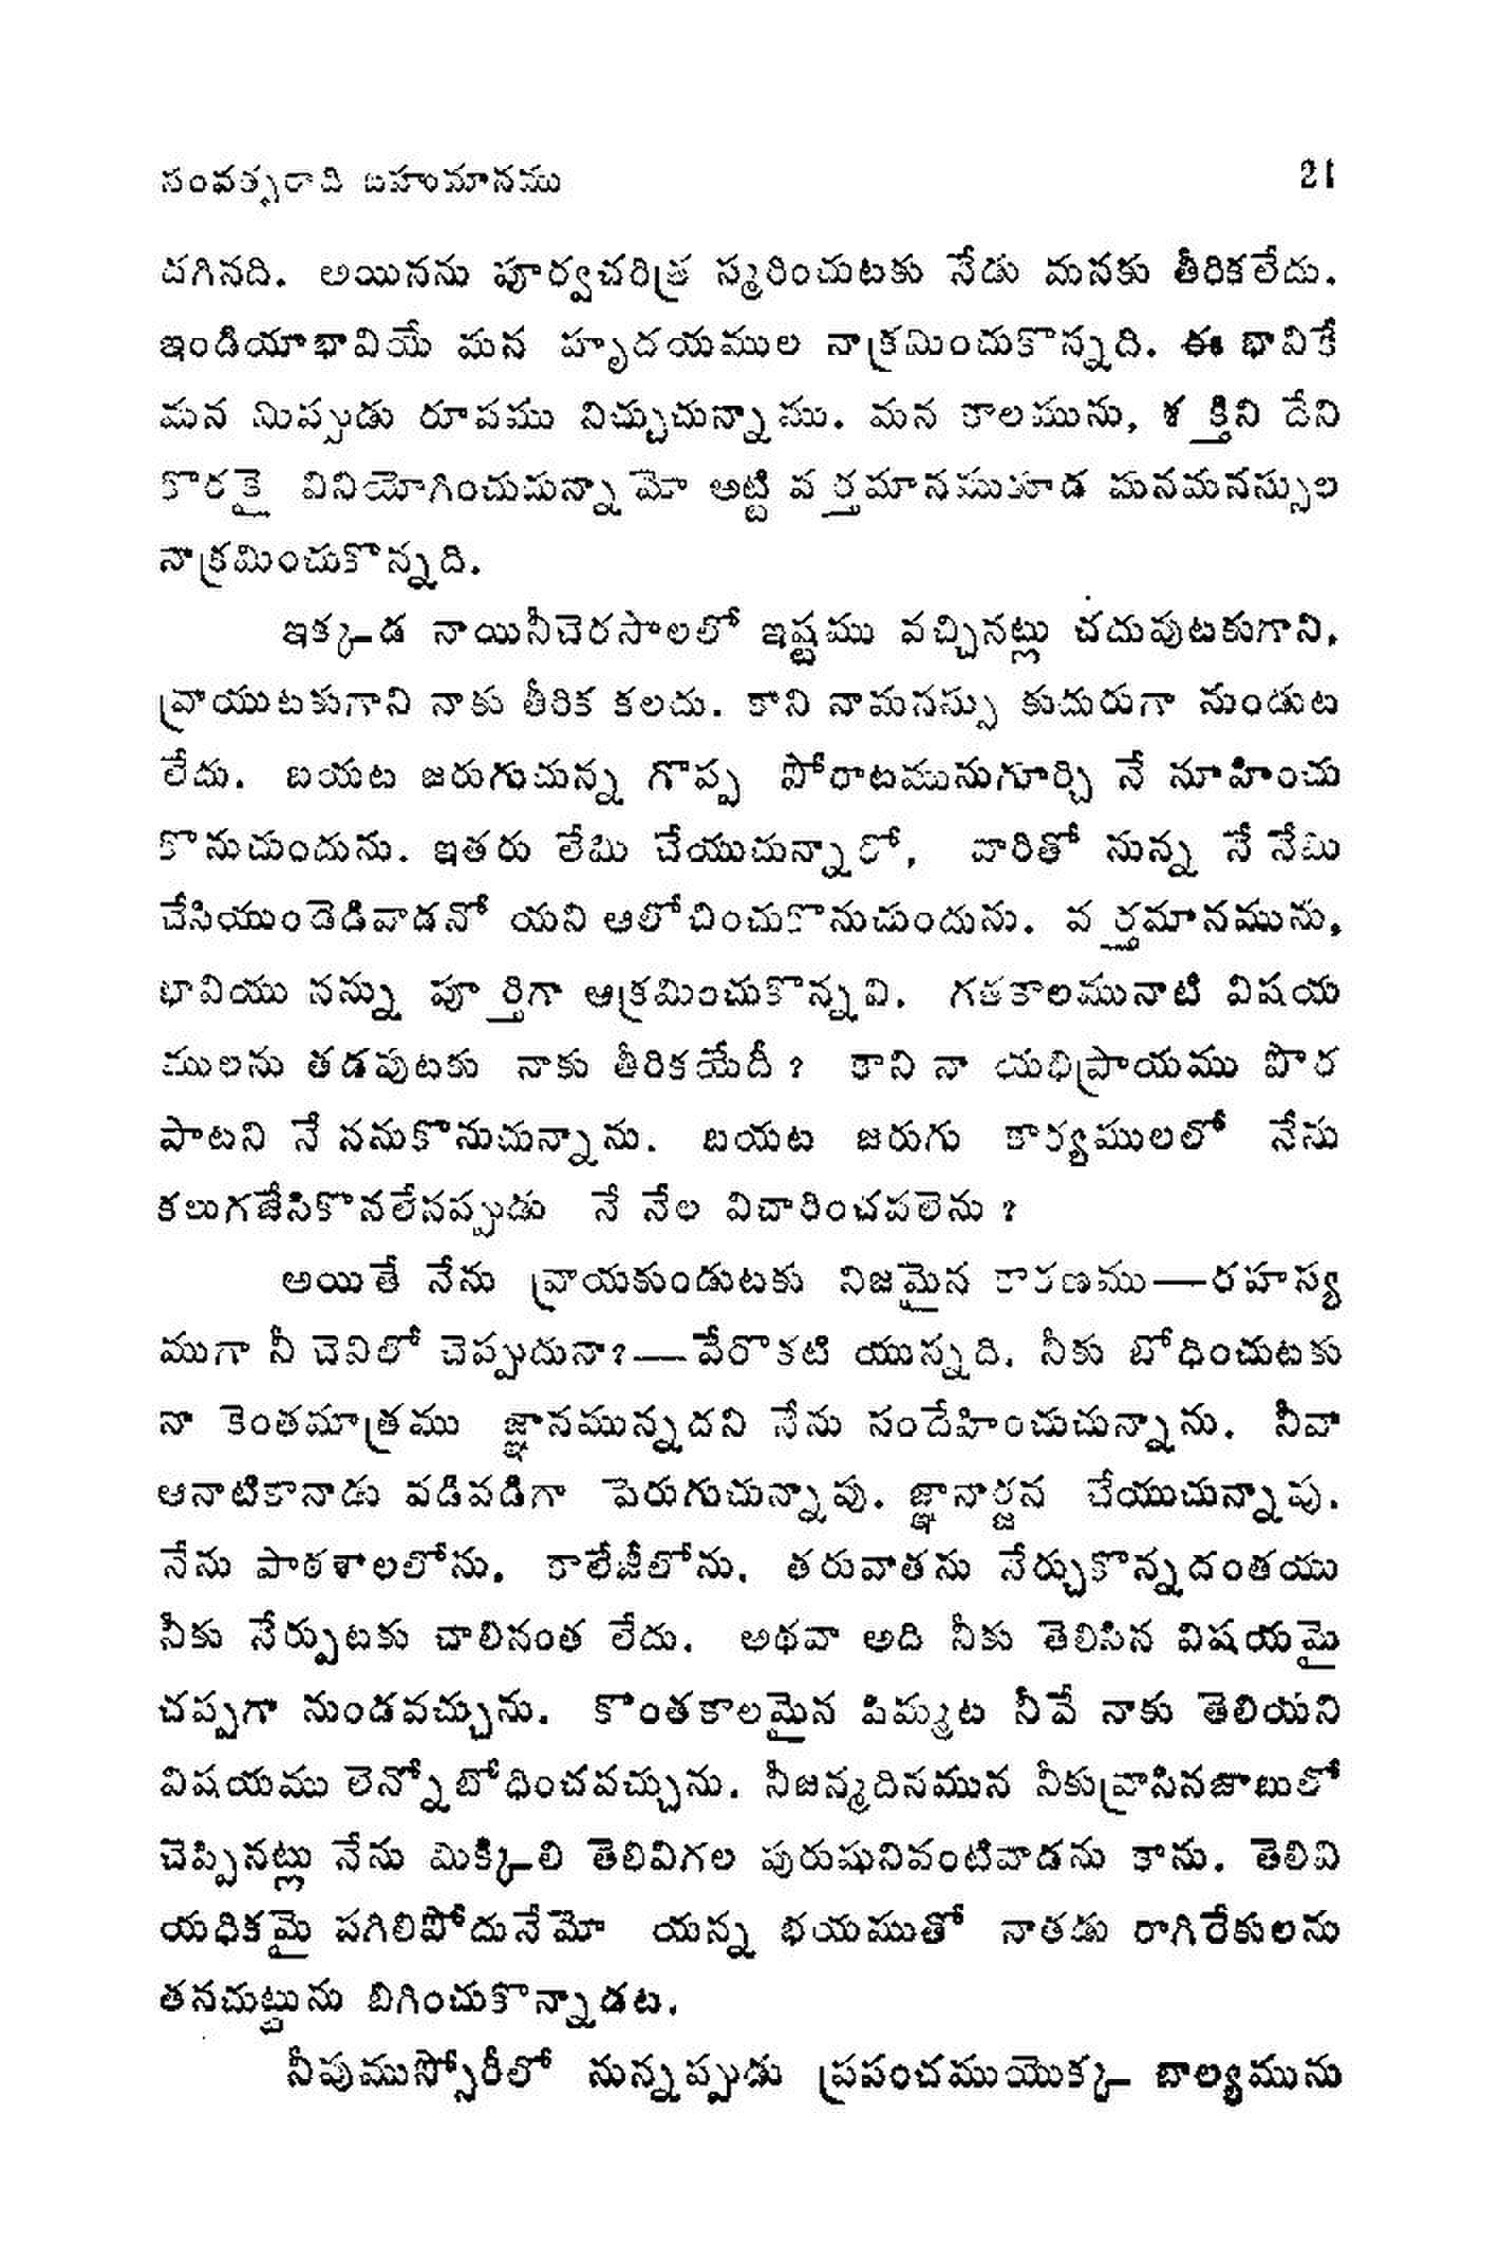దగినది. అయినను పూర్వచరిత్ర స్మరించుటకు నేడు మనకు తీరికలేదు. ఇండియాభావియే మన హృదయముల నాక్రమించుకొన్నది. ఈ భావికే మనమిప్పుడు రూపము నిచ్చుచున్నాము. మన కాలమును, శక్తిని దేని కొరకై వినియోగించుచున్నామో అట్టి వర్తమానముకూడ మనమనస్సుల నాక్రమించుకొన్నది.

ఇక్కడ నాయినీచెరసాలలో ఇష్టము వచ్చినట్లు చదువుటకుగాని, వ్రాయుటకుగాని నాకు తీరిక కలదు. కాని నామనస్సు కుదురుగా నుండుట లేదు. బయట జరుగుచున్న గొప్ప పోరాటమునుగూర్చి నే నూహించు కొనుచుందును. ఇతరు లేమి చేయుచున్నారో, వారితో నున్న నే నేమి చేసియుండెడివాడనో యని ఆలోచించుకొనుచుందును. వర్తమానమును, భావియు నన్ను పూర్తిగా ఆక్రమించుకొన్నవి. గతకాలమునాటి విషయములను తడవుటకు నాకు తీరిక యేదీ ? కాని నా యభిప్రాయము పొరపాటని నే ననుకొనుచున్నాను. బయట జరుగు కార్యములలో నేను కలుగజేసికొనలేనప్పుడు నే నేల విచారించవలెను ?

అయితే నేను వ్రాయకుండుటకు నిజమైన కారణము – రహస్యముగా నీ చెనిలో చెప్పుదునా? - వేరొకటి యున్నది. నీకు బోధించుటకు నా కెంతమాత్రము జ్ఞానమున్నదని నేను సందేహించుచున్నాను. నీవా ఆనాటికానాడు వడివడిగా పెరుగుచున్నావు. జ్ఞానార్జన చేయుచున్నావు. నేను పాఠశాలలోను, కాలేజీలోను, తరువాతను నేర్చుకొన్నదంతయు నీకు నేర్పుటకు చాలినంత లేదు, అథవా అది నీకు తెలిసిన విషయమై చప్పగా నుండవచ్చును. కొంతకాలమైన పిమ్మట నీవే నాకు తెలియని విషయము లెన్నోబోధించవచ్చును. నీజన్మదినమున నీకువ్రాసినజాబులో చెప్పినట్లు నేను మిక్కిలి తెలివిగల పురుషునివంటివాడను కాను. తెలివి యధికమై పగిలిపోదునేమో యన్న భయముతో నాతడు రాగిరేకులను తనచుట్టును బిగించుకొన్నాడట.

నీవుముస్సోరీలో నున్నప్పుడు ప్రపంచము యొక్క బాల్యమును